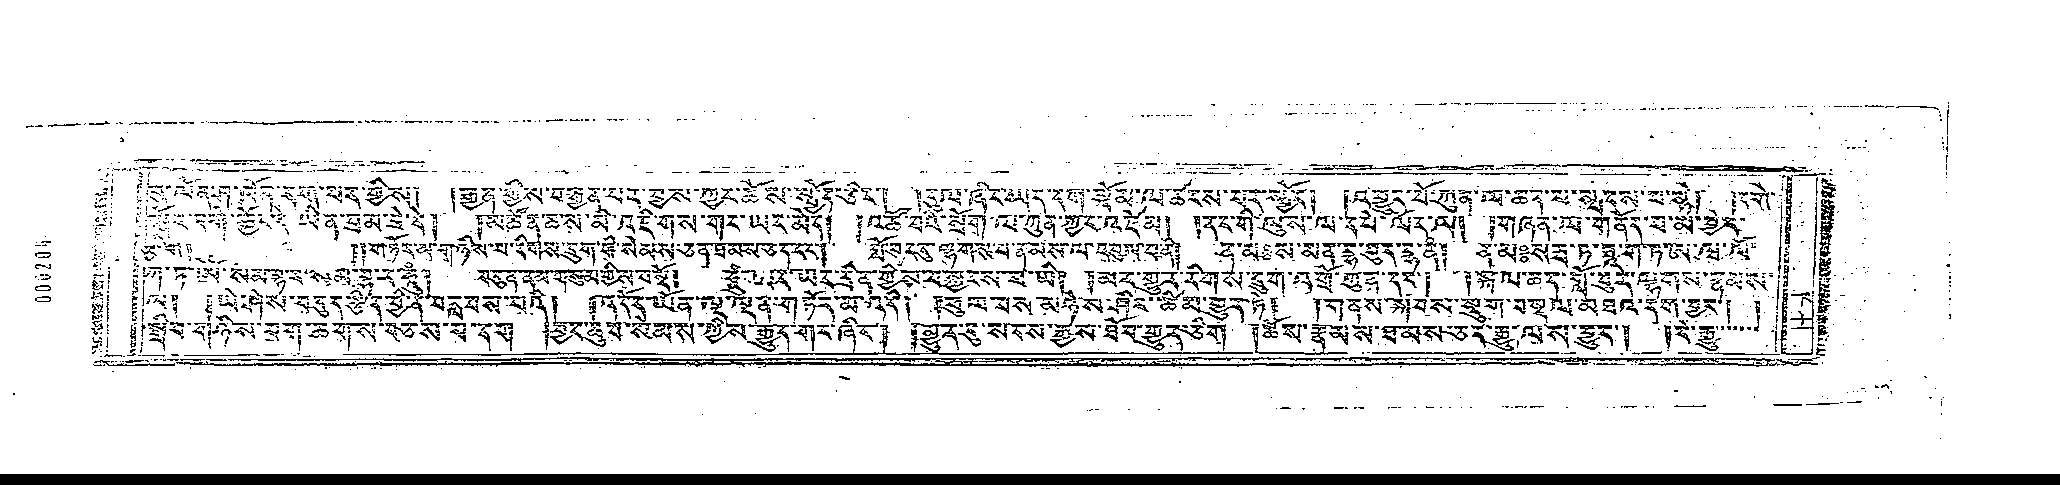བུ་ལོན་ཤ་ཁོན་དག་པར་གྱིས། །རྒྱན་གྱིས་བརྒྱན་བར་བྱས་ཀྱང་ཆོས་སྦྱོད་ཅིང་། །དུལ་ཞིང་ཡང་དག་སྡོམ་ལ་ཚངས་པར་སྦྱོང་། །འབྱུང་པོ་ཀུན་ལ་ཆད་པ་སྤངས་པ་སྟེ། །དགེ་
སློང་དགེ་སྦྱོང་དེ་ཡིན་བྲམ་ཟེ་དེ། །མཚོན་ཆས་མི་འཇིགས་གང་ཡང་མེད། །འཚོ་བའི་སྲོག་ལ་ཀུན་ཀྱང་འཛེམ། །རང་གི་ལུས་ལ་དཔེ་ལོང་ལ། །གཞན་ལ་གནོད་པ་མ་བྱེད་
ཅིག། །།གཏོར་མ་གཉིས་པ་རིགས་དྲུག་གི་སེམས་ཅན་ཐམས་ཅད་དང་། གློ་བུར་དུ་ལྷགས་པ་རྣམས་ལ་འབུལ་བ་ནི། ནམཿ་ས་མན་དྷ་བུད་དྷ་ནཾ། ནམཿ་སརྦ་ཏ་ཐཱ་ག་ཏ་ཨ་ཝ་ལོ་
གི་ཏེ་ཨོཾ་སམ་བྷ་ར་སམ་བྷ་ར་ཧཱུཾ། བདུན་ནམ་གསུམ་གྱིས་བསྔོ། ཧཱུཾ་ཡང་ཡང་དྲིན་གྱིས་བསྐྱངས་པ་ཡི། །མར་གྱུར་རིགས་དྲུག་འགྲོ་ཀུན་དང་། །སྐལ་ཆད་གློ་བུར་ལྷགས་རྣམས་
ལ། །ཡེ་ཤེས་བདུད་རྩི་དབྱིན་བརླབས་པའི། །འདོད་ཡོན་ལྔ་ལྡན་གཏོར་མ་འདི། །ཕུལ་བསམ་ཉེས་ཤིང་ཚིམ་གྱུར་ཏེ། །གནས་སྐབས་སྡུག་བསྔལ་མཐའ་དག་བྱང་། །
སྒྲིབ་གཉིས་བག་ཆགས་བཅས་པ་དག །བྱང་ཆུབ་སེམས་ཀྱིས་རྒྱུད་གང་ཞིང་། །མྱུར་དུ་སངས་རྒྱས་ཐོབ་གྱུར་ཅིག །ཆོས་རྣམས་ཐམས་ཅད་རྒྱུ་ལས་བྱུང་། །དེ་རྒྱུ་